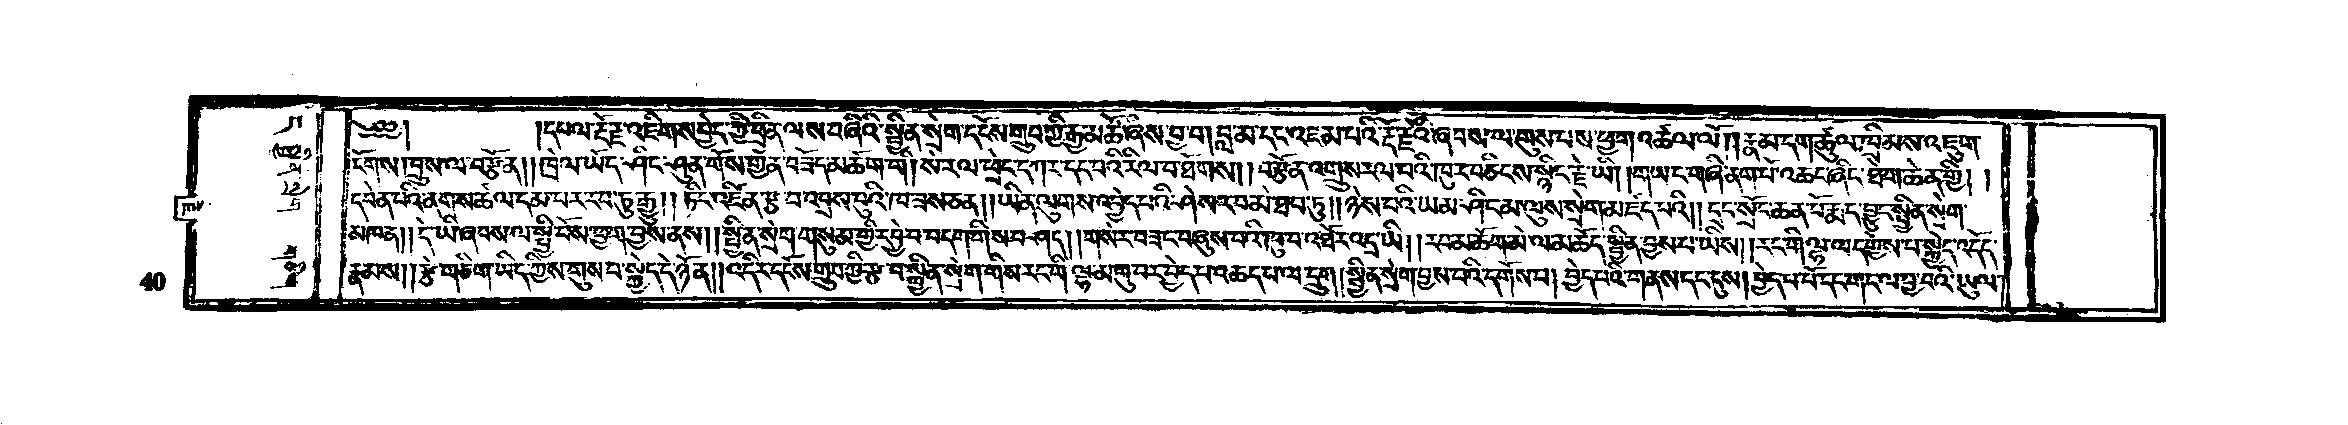༄༅༅། །དཔལ་རྡོ་རྗེ་འཇིགས་བྱེད་ཀྱི་ཕྲིན་ལས་བཞིའི་སྦྱིན་སྲེག་དངོས་གྲུབ་ཀྱི་རྒྱ་མཚོ་ཞེས་བྱ་བ། བླ་མ་དང་འཇམ་པའི་རྡོ་རྗེའི་ཞབས་ལ་གུས་པས་ཕྱག་འཚལ་ལོ། །རྣམ་དག་ཚུལ་ཁྲིམས་འཇུག་
དོགས་ཁྲུས་ལ་བརྩོན། །ཁྲེལ་ཡོད་ཤིང་ཤུན་གོས་གྱོན་བཟོད་མཆོག་གི། སེ་རལ་ཕྲེང་དཀར་དད་པའི་རིལ་བ་ཐོགས། །བརྩོན་འགྲུས་རལ་པའི་ཁུར་བཅིངས་སྙིང་རྗེ་ཡི། །གཡང་གཞི་ནག་པོ་འཆང་ཞིང་ཐེག་ཆེན་གྱི། །
དབེན་པའི་ནགས་ཚལ་དམ་པར་རབ་ཏུ་རྒྱུ། །ཏིང་འཛིན་རྩ་བ་འབྲས་བུའི་ཁ་ཟས་ཅན། །ཡིན་ལུགས་འབྱེད་པའི་ཤེས་རབ་མེ་ཐབ་ཏུ། །ཉེས་པའི་ཡམ་ཤིང་མ་ལུས་སྲེག་མཛད་པའི། །དྲང་སྲོང་ཆེན་པོ་རྨད་བྱུང་སྦྱིན་སྲེག་
མཁན། །དེ་ཡི་ཞབས་ལ་སྤྱི་བོས་ཕྱག་བྱས་ནས། །སྤྱིན་སྲེག་གསུམ་གྱི་དབྱེ་བ་བདག་གིས་བཤད། །གསེར་བཟང་བཞུས་པའི་ཁུ་བ་འཐོར་འདྲ་ཡི། །རབ་མཆོག་མེ་ལ་མཆོད་སྦྱིན་བྱས་པ་ཡིས། །རང་གི་ལྷ་ལ་དགྱེས་པ་སྐྱེད་འདོད་
རྣམས། །རྩེ་གཅིག་ཡིད་ཀྱིས་གུས་བ་སྐྱེད་དེ་ཉོན། །འདིར་དངོས་གྲུབ་ཀྱི་རྩ་བ་སྦྱིན་སྲེག་གིས་རང་གི་ལྷ་མགུ་བར་བྱེད་པ་འཆད་པ་ལ་དྲུག །སྦྱིན་སྲེག་བྱས་བའི་དགོས་པ། བྱེད་པའི་གནས་དང་དུས། བྱེད་པ་པོ་དང་གང་ལ་བྱ་བའི་ཡུལ་